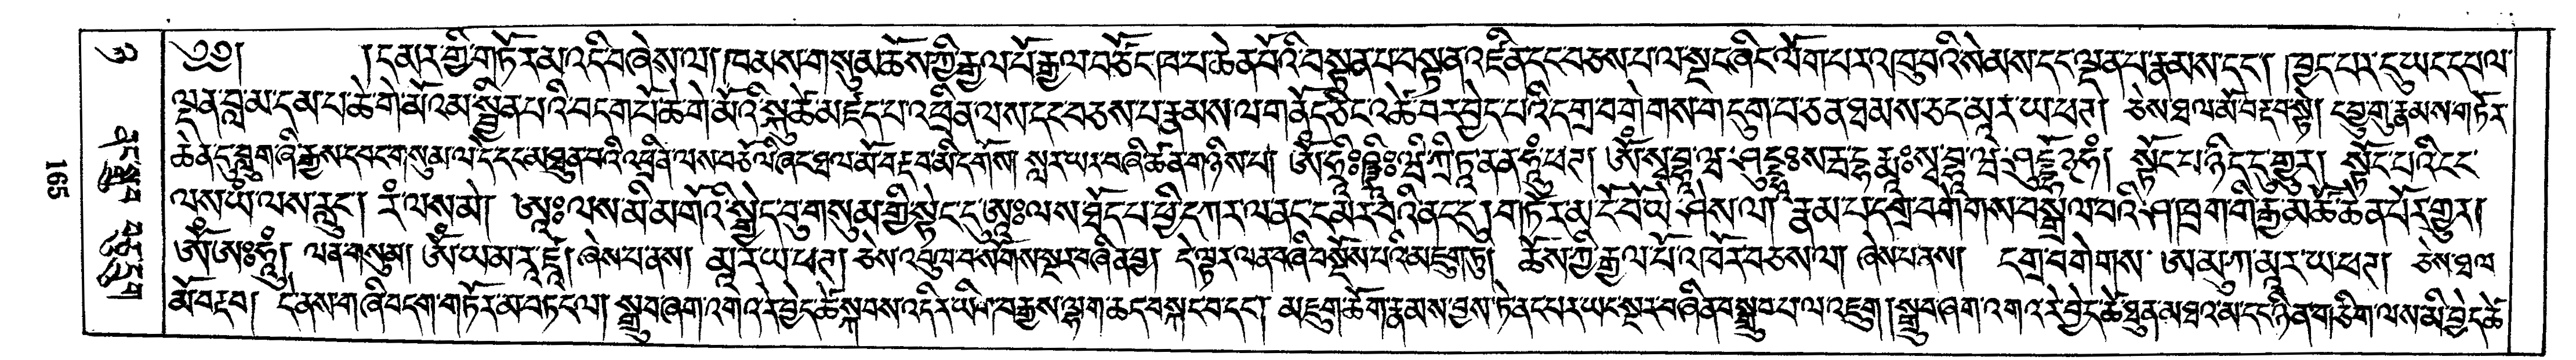༄༅། །དམར་གྱི་གཏོར་མ་འདི་བཞེས་ལ། ཁམས་གསུམ་ཆོས་ཀྱི་རྒྱལ་པོ་རྒྱལ་བ་ཙོང་ཁ་པ་ཆེན་པོའི་བསྟན་པ་བསྟན་འཛིན་དང་བཅས་པ་ལ་སྡང་ཞིང་ལོག་པར་འཁུ་བའི་སེམས་དང་ལྡན་པ་རྣམས་དང་། ཁྱད་པར་དུ་ཡང་དཔལ་
ལྡན་བླ་མ་དམ་པ་ཆེ་གེ་མོའམ་སྦྱིན་པའི་བདག་པོ་ཆེ་གེ་མོའི་སྐུ་ཚེ་མཛད་པ་འཕྲིན་ལས་དང་བཅས་པ་རྣམས་ལ་གནོད་ཅིང་འཚེ་བར་བྱེད་པའི་དགྲ་བགེགས་གདུག་པ་ཅན་ཐམས་ཅད་མཱ་ར་ཡ་ཕཊ། ཅེས་ཐལ་མོ་བརྡབ་སྟེ། དབྱུ་གུ་རྣམས་གཏོར་
ཆེན་དུ་བླུག་ཞི་རྒྱས་དབང་གསུམ་ལ་དེ་དང་མཐུན་པའི་འཕྲིན་ལས་བཅོལ་ཞིང་ཐལ་མོ་བྲབ་མི་དགོས། སླར་ཡང་བཞི་ཚན་གཉིས་པ། ཨོཾ་ཧྲཱིཿ ཥྚཱིཿ ཝི་ཀྲིཏཱ་ནན་ཧཱུཾ་ཕཊ། ཨོཾ་སྭ་ཧཱ་ཝ་ཤུདྡྷཱཿ སརྦདྷརྨཱཿ སྭཧཱ་ཝ་ཤུདྡྷོཉྷཾ། སྟོང་པ་ཉིད་དུ་གྱུར། སྟོང་པའི་དང་
ལས་ཡཾ་ལས་རླུང་། རཾ་ལས་མེ། ཨཱཿལས་མི་མགོའི་སྒྱེད་བུ་གསུམ་གྱི་སྟེང་དུ་ཨཱཿ ལས་ཐོད་པ་ཕྱི་དཀར་ལ་ནང་དམར་བའི་ནང་དུ། གཏོར་མ་ངོ་བོ་ཡེ་ཤེས་ལ། རྣམ་པ་དགྲ་བགེགས་བསྒྲལ་བའི་ཤ་ཁྲག་གི་རྒྱ་མཚོ་ཆེན་པོར་གྱུར།
ཨོཾ་ཨཱཿཧཱུཾ། ལན་གསུམ། ཨོཾ་ཡམ་རཱ་ཛཱ། ཞེས་པ་ནས། མཱ་ར་ཡ་ཕཊ། ཅེས་འབུལ་བ་སོགས་སྔར་བཞིན་བྱ། དེ་ལྟར་ལན་བཞི་བསྔོས་པའི་མཇུག་ཏུ། ཆོས་ཀྱི་རྒྱལ་པོ་འཁོར་བཅས་ལ། ཞེས་པ་ནས། དགྲ་བགེགས་ཨ་མུ་ཀ་མཱར་ཡ་ཕཊ། ཅེས་ཐལ་
མོ་བརྡབ་དེ་ནས་གཞི་བདག་གཏོར་མ་བཏང་ལ། སྒྲུབ་ཞག་འགའ་རེ་བྱེད་ཚེ་སྐབས་འདིར་ཡིག་བརྒྱས་ལྷག་ཆད་བསྐང་བ་དང་། མཇུག་ཆོག་རྣམས་བྱས་ཏེ་ནང་པར་ཡང་སྡར་བཞིན་བསྒྲུབ་པ་ལ་འཇུག །སྒྲུབ་ཞག་འགའ་རེ་བྱེད་ཚེ་ཐུན་མཐའ་མ་དང་ཉིན་གཅིག་ཡས་མི་བྱེད་ཚེ་